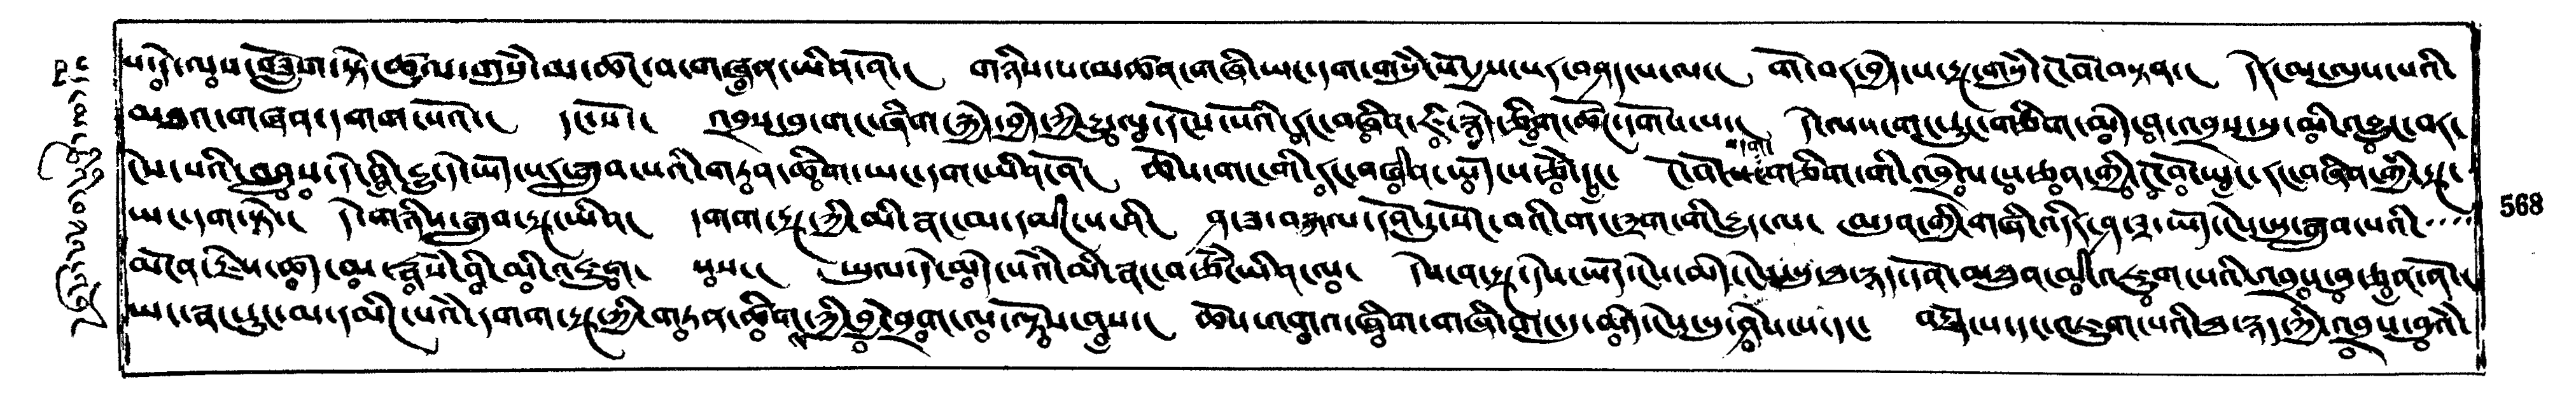བ་དེ་ལས་ལྡོག་སྟེ་ཚུལ་གསུམ་མ་ཚང་བ་གཞན་ཡིན་ནོ།། གཉིས་པ་མཚན་གཞི་ཡང་དག་གསུམ་པོ་རྒྱས་པར་བཤད་པ་ལ། གོ་བར་བྱེད་པ་རྟགས་གསུམ་ངོ་བོ་བསྟན། །དེར་མ་འདུས་པའི་
མཐའ་གཞན་དགག་པའོ། །དང་པོ། འབྲས་བུ་གང་ཞིག་སྐྱེད་བྱེད་ཀྱི་རྒྱུ་ལ་དངོས་པོ་རང་བཞིན་ཇི་སྙེད་ཅིག་ཚོགས་དགོས་པ། དེ་ལས་གང་རུང་གཅིག་མེད་ན་འབྲས་བུ་མི་འབྱུང་བར་
ངེས་པའི་འབྲས་བུ་དེ་ནི་རྒྱུ་དེ་ཡོད་པར་སྒྲུབ་པའི་གཏན་ཚིགས་ཡང་དག་ཡིན་ནོ།། ཆོས་གང་གི་རང་བཞིན་ཡོད་པ་ཙམ་དང་། ངོ་བོ་བདག་གཅིག་གི་འབྲེལ་བ་ཅན་གྱི་ངོ་བོ་ཡང་རང་བཞིན་གྱི་རྟགས་
ཡང་དག་སྟེ། དེ་གཉིས་སྒྲུབ་རྟགས་ཡིན། དགག་རྟགས་ཀྱི་མི་སྣང་མ་དམིགས་པ་ནི། ཤ་ཟ་བསྐལ་དོན་དུ་སོང་བའི་གང་ཟག་གི་རྒྱུད་ལ། མདུན་གྱི་གཞི་འདིར་ཤ་ཟ་ཡོད་ངེས་སུ་སྒྲུབ་པའི་
མངོན་རྗེས་ཚད་མ་རྣམས་ནི་མི་འཇུག་པས། ཡུལ་དེ་མེད་པའམ་མི་སྣང་བ་ཙམ་ཡིན་ལ། དེས་ན་རྟགས་དེས་ཡོད་ངེས་མེད་ངེས་སུ་ཐ་སྙད་དོན་མཐུན་མི་འཇུག་པའི་འབྲས་བུ་ཅན་ནོ།། 
ཡང་སྣང་རུང་མ་དམིགས་པའམ་དགག་རྟགས་ཀྱི་གཏན་ཚིགས་ཀྱི་བྱེ་བྲག་ལ་ལྟོས་ནས། ཆོས་འགའ་ཞིག་གཞི་གང་དུ་མེད་ངེས་སུ་ཤེས་པ་དང་། བརྗོད་པ་དང་འཇུག་པའི་ཐ་སྙད་ཀྱི་འབྲས་བུའམ་